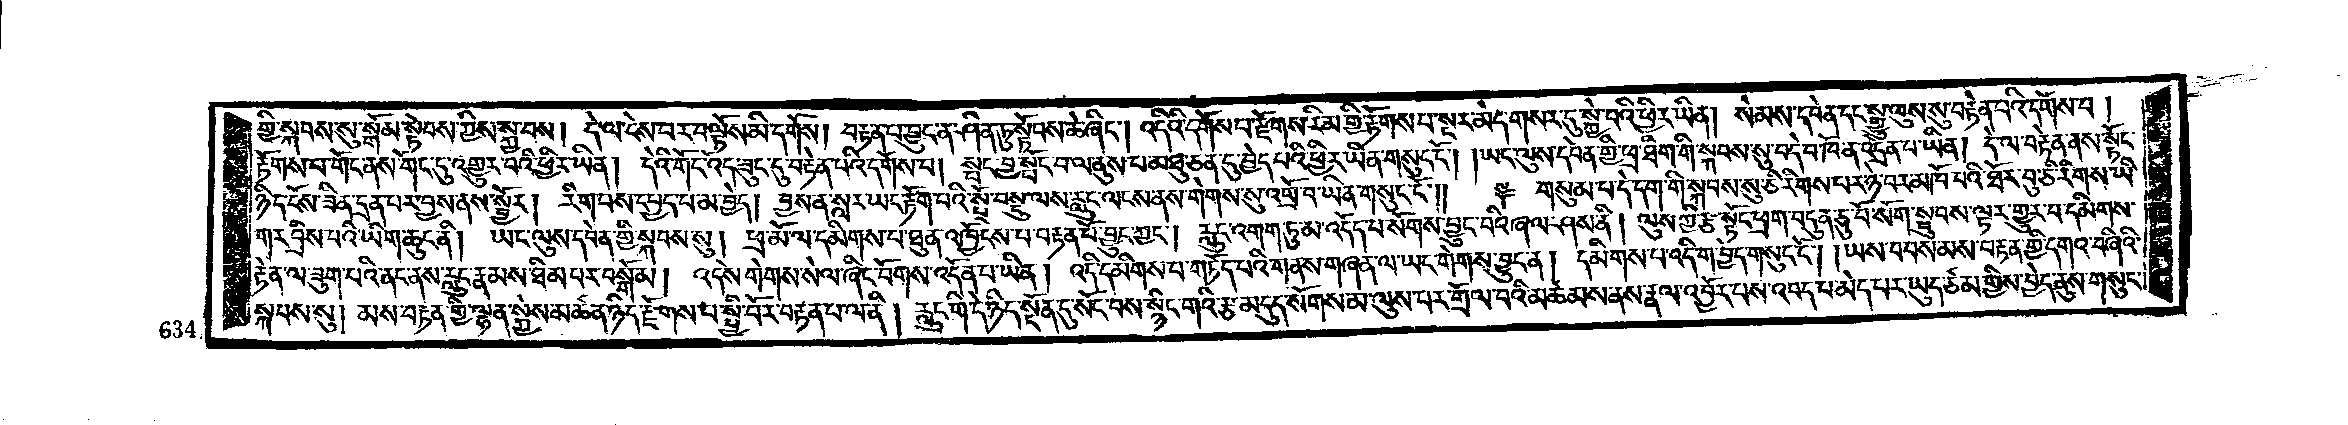གྱི་སྐབས་སུ་སྒོམ་སྟོབས་ཀྱིས་སྐྱེ་བས། དེ་ལ་ངེས་པར་བལྟོས་མི་དགོས། བརྟན་པ་བྱུང་ན་ཤིན་ཏུ་སྟོབས་ཆེ་ཞིང་། འདིའི་དགོས་པ་རྫོགས་རིམ་གྱི་རྟོགས་པ་སྔར་མེད་གསར་དུ་སྐྱེ་བའི་ཕྱིར་ཡིན། སེམས་དབེན་དང་སྒྱུ་ལུས་སུ་བརྟེན་པའི་དགོས་པ། རྟོགས་པ་གོང་ནས་གོང་དུ་འགྱུར་བའི་ཕྱིར་ཡིན། དེའི་གོང་འོད་ཟུང་དུ་བརྟེན་པའི་དགོས་པ། སྤང་བྱ་སྤོང་བ་ལ་ནུས་པ་མཐུ་ཅན་དུ་བྱེད་པའི་ཕྱིར་ཡིན་གསུང་ངོ། །ཡང་ལུས་དབེན་གྱི་ཕྲ་ཐིག་གི་སྐབས་སུ་བདེ་བ་ཁོ་ན་འདྲེན་པ་ཡིན། དེ་ལ་བརྟེན་ནས་སྟོང་
ཉིད་ངེས་ཟིན་དྲན་པར་བྱས་ནས་སྦྱོར། རིག་པས་དཔྱད་པ་མ་བྱེད། བྱས་ན་སླར་ཡང་རྟོག་པའི་སྤྲོ་བསྡུ་ལས་རླུང་ལངས་ནས་གེགས་སུ་འགྲོ་བ་ཡིན་གསུང་ངོ།། ༈ གསུམ་པ་དེ་དག་གི་སྐབས་སུ་ཅི་རིགས་པར་ཉ་བར་མཁོ་བའི་ཐོར་བུ་ཅི་རིགས་ཡི་
གར་བྲིས་པའི་ཡིག་ཆུང་ནི། ཡང་ལུས་དབེན་གྱི་སྐབས་སུ། ཕྲ་མོ་ལ་དམིགས་པ་ཐུན་འཁྱོངས་པ་བརྟན་པོ་བྱུང་ཀྱང་། རླུང་འགག་ཏུ་མ་འདོད་པ་སོགས་བྱུང་བའི་ཞལ་ཤས་ནི། ལུས་ཀྱི་རྩ་སྟོང་ཕྲག་བདུན་ཅུ་བོ་སོག་སྦུབས་ལྟར་གྱུར་པ་དམིགས་
རྟེན་ལ་ཟུག་པའི་ནང་ནས་རླུང་རྣམས་ཐིམ་པར་བསྒོམ། འདིས་གེགས་སེལ་ཞིང་བོགས་འདོན་པ་ཡིན། འདི་དམིགས་པ་གཏོད་པའི་གནས་གཞན་ལ་ཡང་གེགས་བྱུང་ན། དམིགས་པ་འདི་ག་བྱེད་གསུང་ངོ། །ཡས་བབས་མས་བརྟན་གྱི་དགའ་བཞིའི་
སྐབས་སུ། མས་བརྟེན་གྱི་ལྷན་སྐྱེས་མཚན་ཉིད་རྫོགས་པ་སྤྱི་བོར་བརྟན་པ་ལ་ནི། རླུང་གི་དེ་ཉིད་སྔོན་དུ་སོང་བས་སྙིང་གའི་རྩ་མདུད་སོགས་མ་ལུས་པར་གྲོལ་བའི་མཚམས་ནས་རྣལ་འབྱོར་པས་འབད་པ་མེད་པར་ཡུད་ཙམ་གྱིས་བྱེད་ནུས་གསུང་